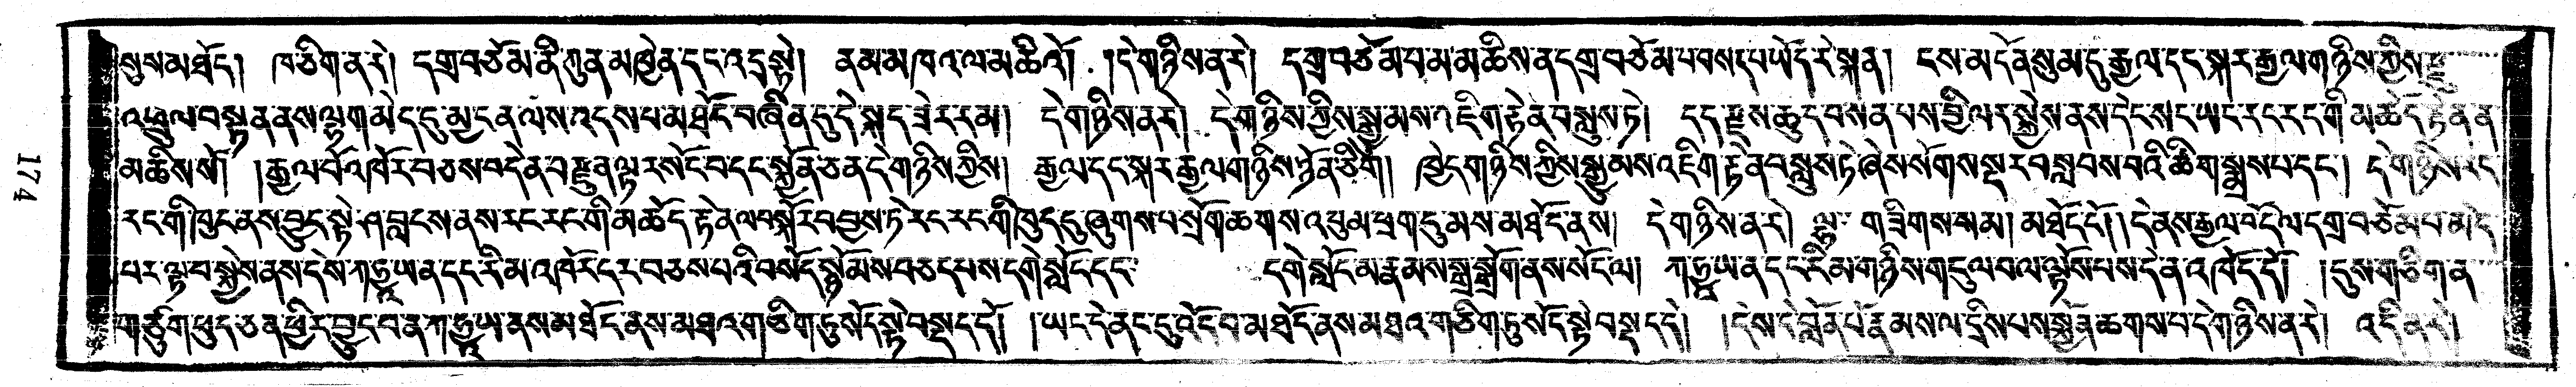སུས་མཐོད། ཁ་ཅིག་ན་རེ། དགྲ་བཅོམ་ནི་ཀུན་མཁྱེན་དང་འདྲ་སྟེ། ནམ་མཁའ་ལ་མཆིའོ། །དེ་གཉིས་ན་རེ། དགྲ་བཅོམ་པ་མ་མཆིས་ན་དགྲ་བཅོམ་པ་བསད་པ་ཡོད་རེ་སྐན། ངས་མངོན་སུམ་དུ་རྒྱལ་དང་སྐར་རྒྱལ་གཉིས་ཀྱིས་རྫུ་
འཕྲུལ་བསྟན་ནས་ལྷག་མེད་དུ་མྱ་ངན་ལས་འདས་པ་མཐོང་བཞིན་དུ་དེ་སྐད་ཟེར་རམ། དེ་གཉིས་ན་རེ། དེ་གཉིས་ཀྱིས་སྒྱུ་མས་འཇིག་རྟེན་བསླུས་ཏེ། དད་རྫས་ཆུད་བ་སན་པས་བྱི་ལར་སྐྱེས་ནས་དེང་སང་ཡང་རང་རང་གི་མཆོད་རྟེན་ན་
མཆིས་སོ། །རྒྱལ་པོ་འཁོར་བཅས་བདེན་བརྫུན་ལྟར་སོང་བ་དང་སྐྱོན་ཅན་དེ་གཉིས་ཀྱིས། རྒྱལ་དང་སྐར་རྒྱལ་གཉིས་ཉོན་ཅིག། ཁྱེད་གཉིས་ཀྱིས་སྒྱུ་མས་འཇིག་རྟེན་བསླུས་ཏེ་ཞེས་སོགས་སྔར་བསླབས་བའི་ཚིག་སྨྲས་པ་དང་། དེ་གཉིས་རང་
རང་གི་ཁུང་ནས་བྱུང་སྟེ་ཤ་བླངས་ནས་རང་རང་གི་མཆོད་རྟེན་ལ་བསྐོར་བ་བྱས་ཏེ་རང་རང་གི་ཁུད་དུ་ཞུགས་པ་སྲོག་ཆགས་འབུམ་ཕྲག་དུ་མས་མཐོང་ནས། དེ་གཉིས་ན་རེ། ལྷ་གཟིགས་སམ། མཐོང་ངོ། །དེ་ནས་རྒྱལ་བོ་དེ་ལ་དགྲ་བཅོམ་པ་མེད་
པར་ལྟ་བ་སྐྱེས་ནས་དེས་ཀ་ཏྱཱ་ཡན་དང་རིམ་འཁོར་དང་བཅས་པའི་བསོད་སྙོམས་བཅད་པས་དགེ་སློང་དང་དགེ་སློང་མ་རྣམས་སྒྲ་སྒྲོག་ནས་སོང་ལ། ཀ་ཏྱཱ་ཡ་ན་དང་རིམ་གཉིས་གདུལ་བ་ལ་ལྟོས་པས་དེ་ན་འཁོད་དོ། །དུས་གཅིག་ན་
གཙུག་ཕུད་ཅན་ཕྱིར་བྱུང་བ་ན་ཀ་ཧྱཱ་ཡ་ནས་མཐོང་ནས་མཐའ་གཅིག་ཏུ་སོང་སྟེ་བསྡད་དོ། །ཡང་དེ་ནང་དུ་འོང་བ་མཐོང་ནས་མཐའ་གཅིག་ཏུ་སོང་སྟེ་བསྡད་དེ། །དེས་དེ་བློན་པོ་རྣམས་ལ་དྲིས་པས་སྐྱོན་ཆགས་པ་དེ་གཉིས་ན་རེ། འདི་ན་དེ།